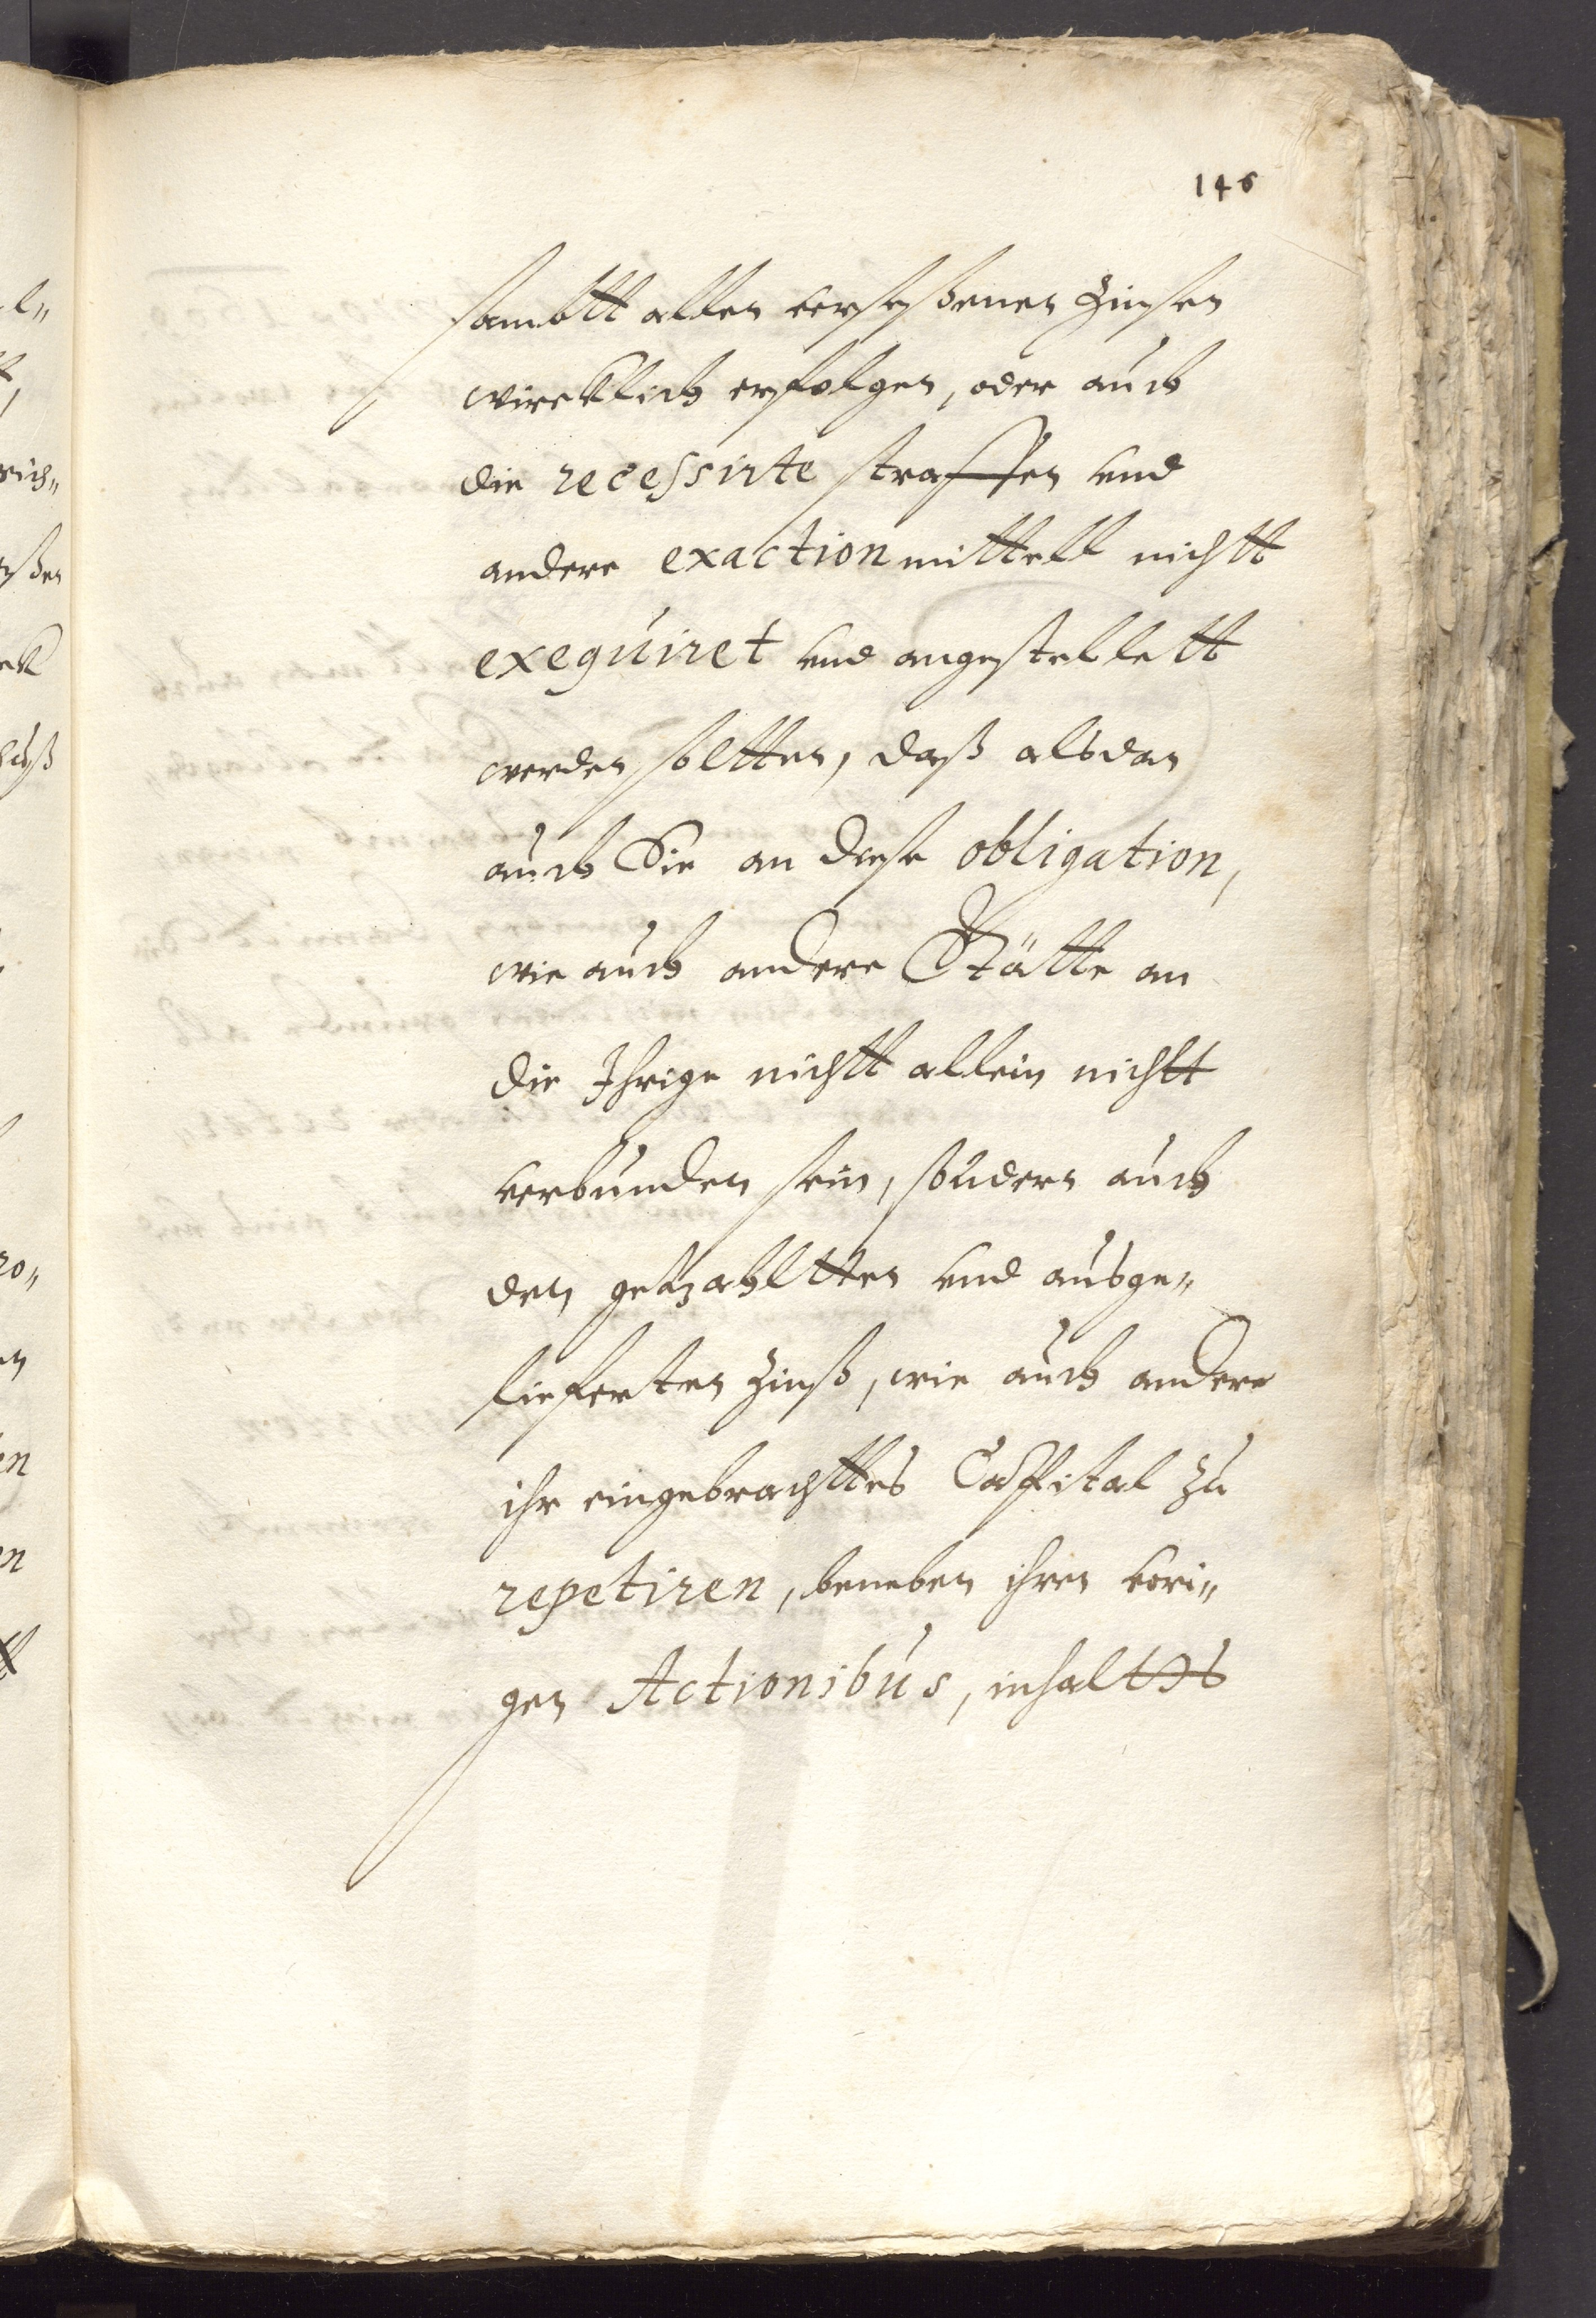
146
sambtt allen vorseßenen zinsen
wircklich erfolgen, oder auch
die recessirte straffen vnd
andere exaction mittell nichtt
exeguiret vnd angestellett
werden soltten, daß alsdan
auch Sie an diese obligation,
wie auch andere Stätte an
die Ihrige nichtt allein nichtt
verbunden sein, sondern auch
den getzahltten vnd ausge¬
lieferten zinß, wie auch andere
ihr eingebrachttes Capital zu
repetiren, beneben ihren vori¬
gen Actionibus, inhaltts
